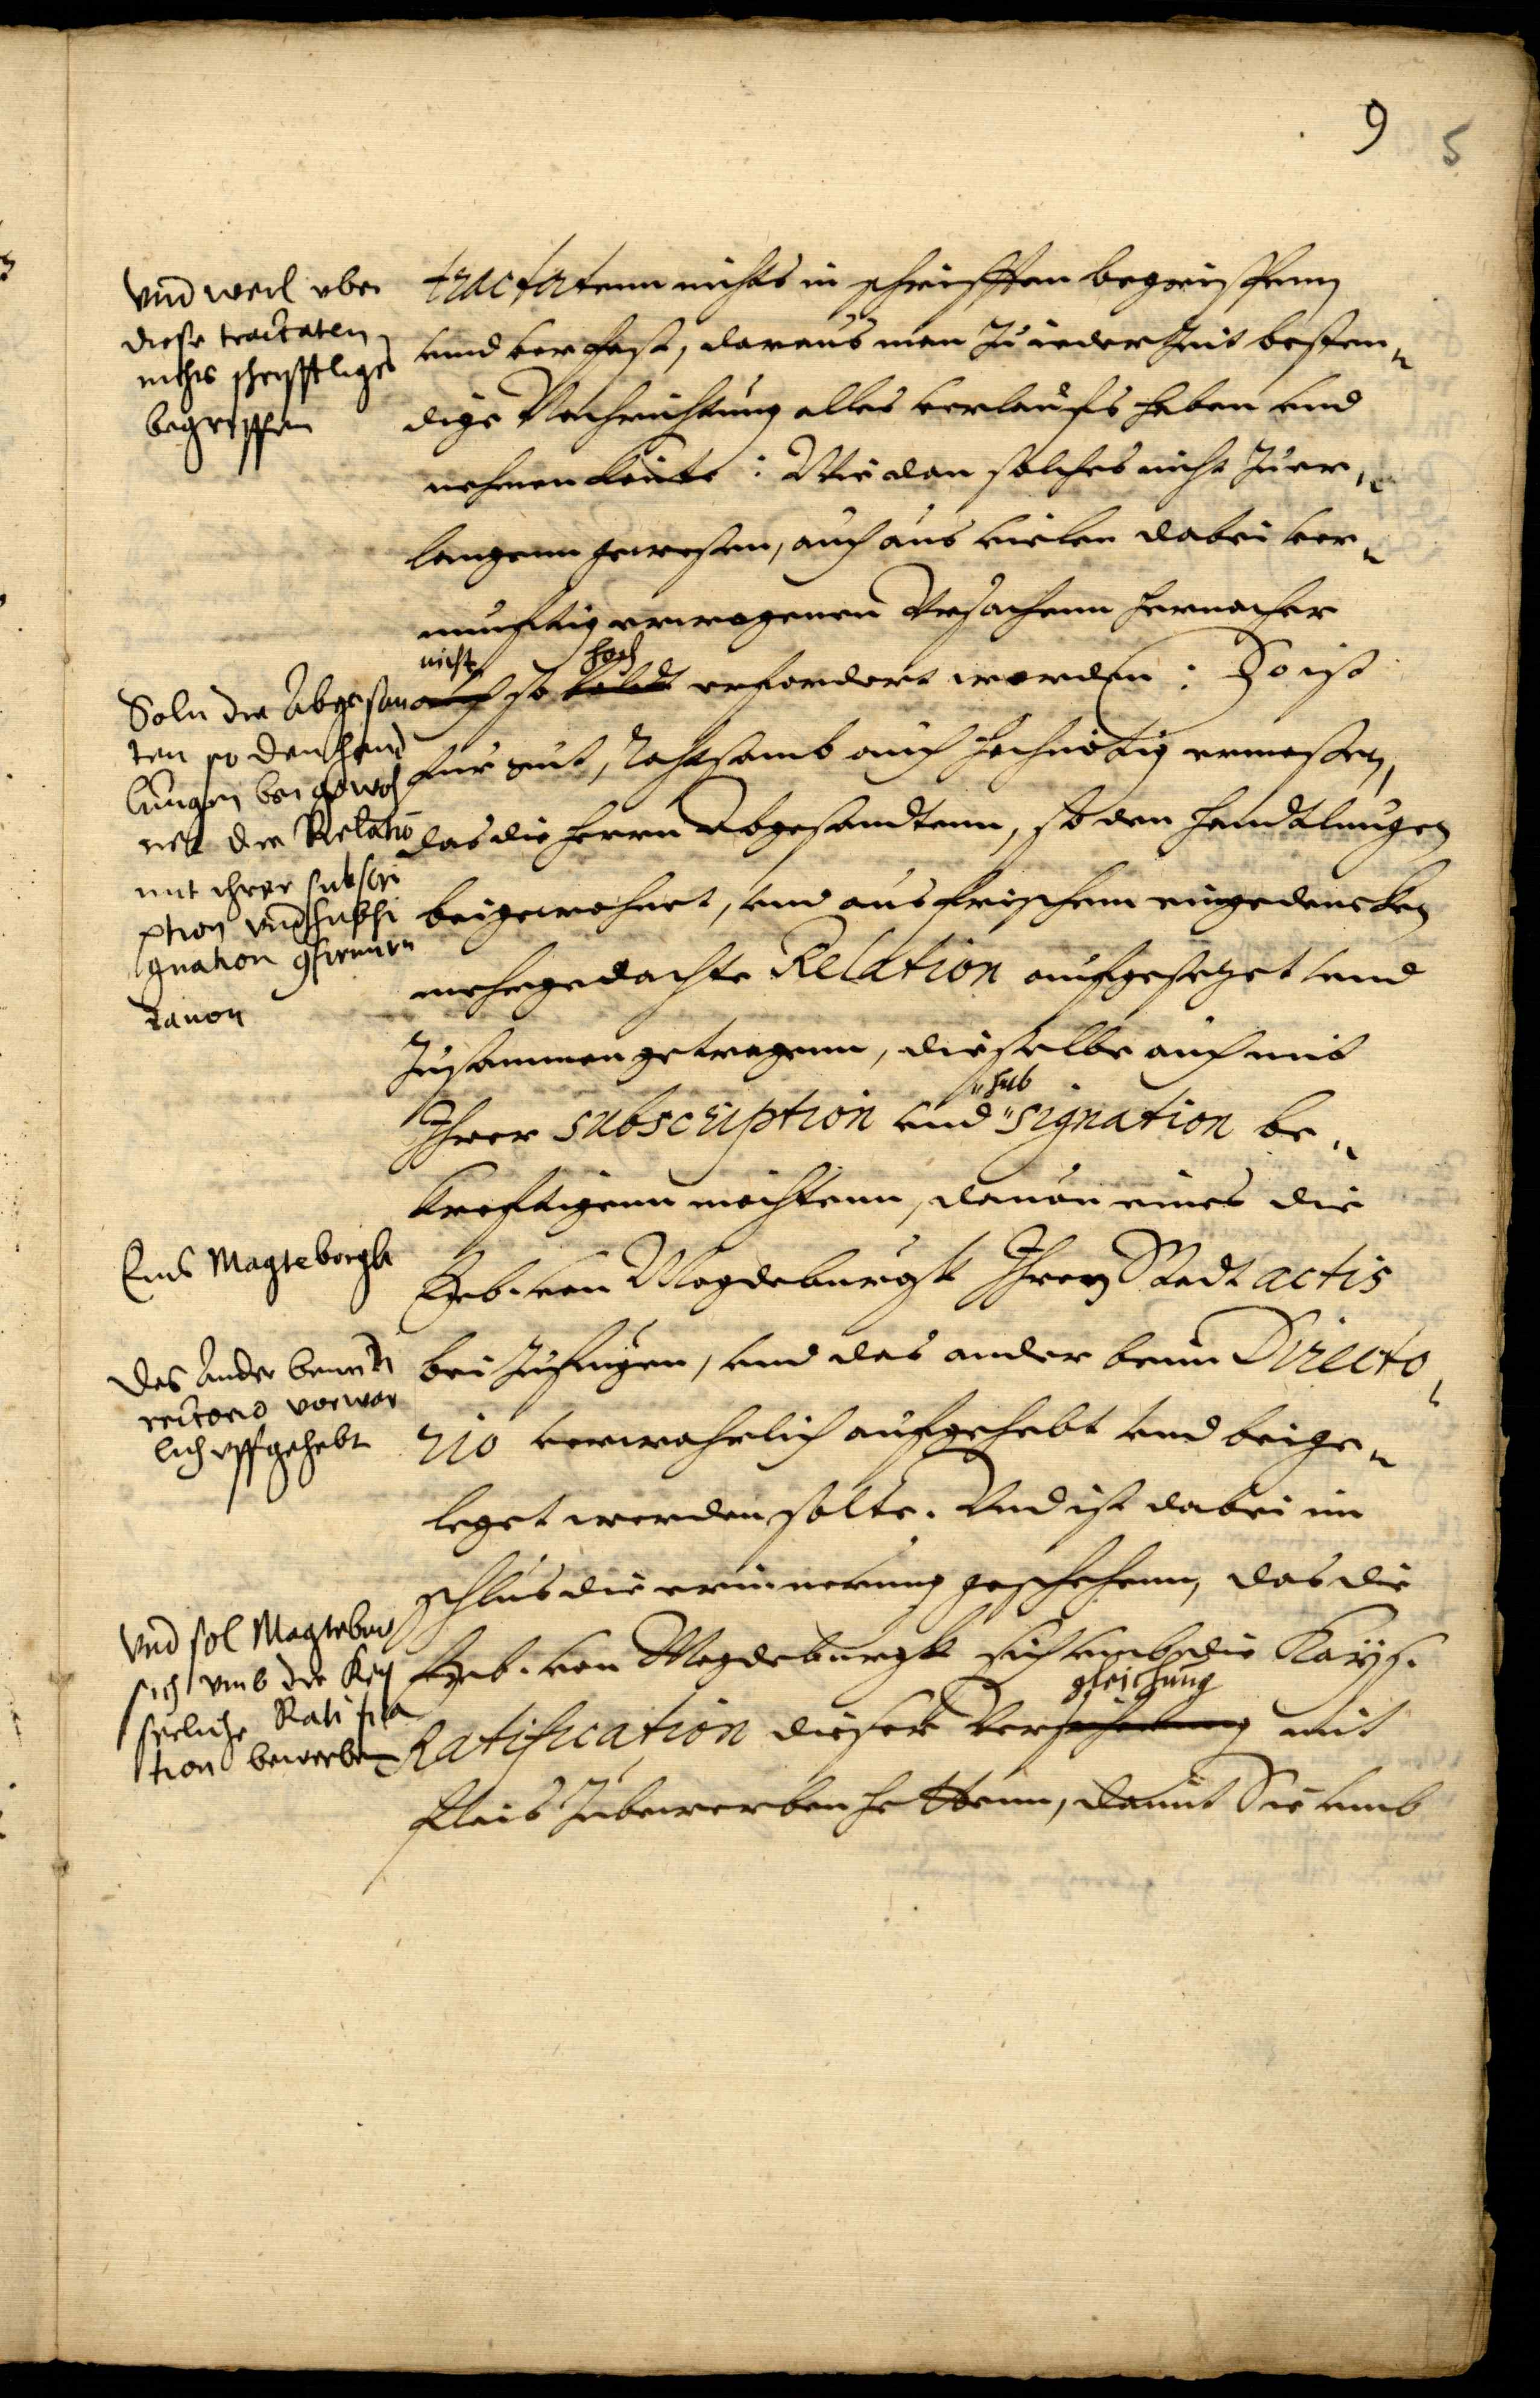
9
vnd weil vber
diese tractaten
nichts schryfftliges
begriffen
Soln der Abgesand
ten soden hand
lungen bei gewoh
net die Relatio
mit ihrer subscri
ption vnd subsi
gnation gfirmirn
danon
Eins Magteborgk
das ander beim di
rectorio vorwar
lich vffgehebt
Vnd sol Magtebur
sich vmb die key
serliche Ratifica
tion bewerben
tractatenn nichts in schrifften begriffenn
vnnd verfast, daraus man zu iederzeit besten¬
dige Nachrichtung alles verlaufs haben vnd
nehmen könte: Wie dan solches nicht zu er¬
langenn geweßen, auch aus vielen dabei ver¬
nunftig erwogenen Vrsachenn hernacher
nicht
hoch
auch so baldt erfordert worden: So ist
fur gut, Rahtsamb auch hochnötig ermeßen,
das die herrn abgesandtenn, so den handtlungen
beigewohnet, vnd aus frischem eingedencken
mehrgedachte Relation aufgesetzet vnd
zusammen getragenn, dieselbe auch mit
* sub
Ihrer subscription vnd * signation be¬
kreftigenn möchtenn, dauon eines die
Erb. von Magdeburgk Ihrer Stadt actis
bei zufugen, vnd das ander beim Directo¬
rio verwahrlich aufgehebt vnd beige¬
leget worden solte. Vnd ist dabei im
schlus die erinnerung geschehenn, das die
Erb. von Magdeburgk sich vmb die Kaijs.
gleichung
Ratification dieser Versicherung mit
fleis zubewerben hettenn, damit Sie vmb
